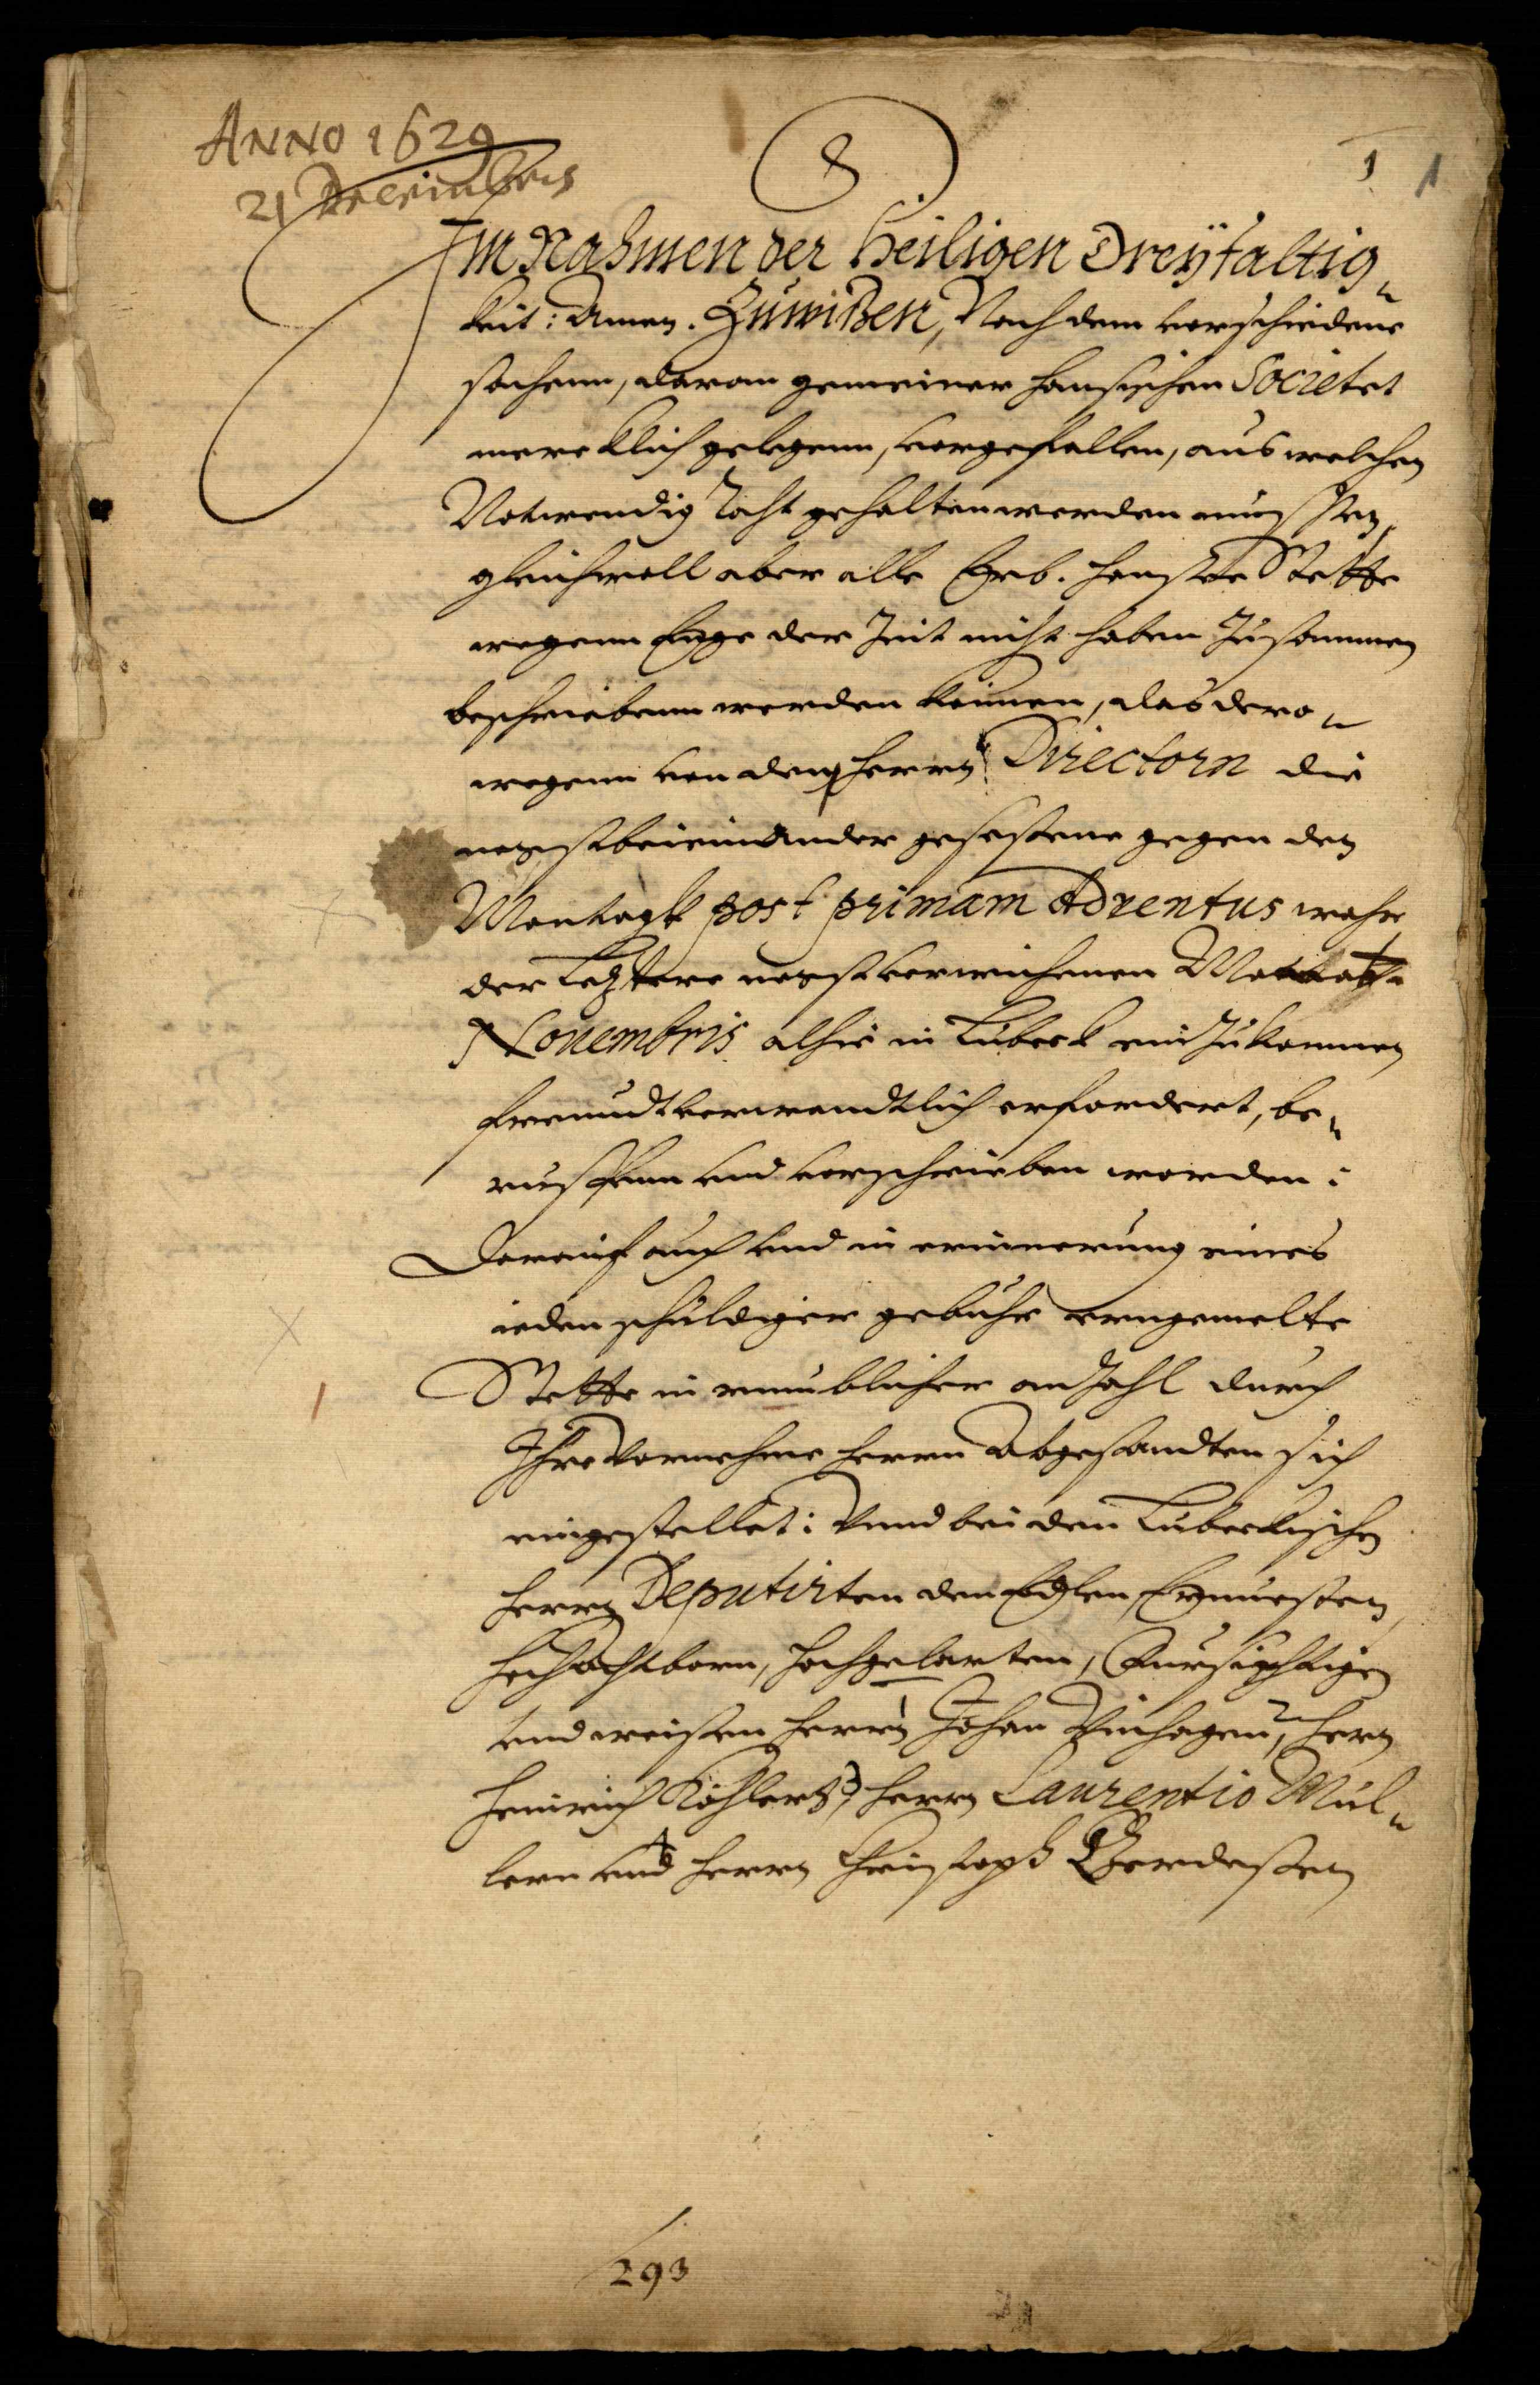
1
Anno 1629
21 Decembris
Im Nahmen der heiligen Dreijfaltig¬
keit: Amen. Zuwißen, Nachdem verschiedene
sachenn, daran gemeiner hansischen Societet
mercklich gelegenn, vorgefallen, aus welchen
Notwendig Raht gehalten werden mussen,
gleichwoll aber alle Erb. hansee Stette
wegenn Enge der Zeit nicht haben Zusammen
beschriebenn werden konnen, das dero¬
wegenn von den herrn Directorn die
negstbeieinander gesessene gegen den
Montagk post priman Adventus wahr
der leztere negstverwichenen Monat
Novembris alhie in Lubeck einzukommen
freundtverwandtlich erfordert, be¬
ruffen vnd vorschrieben worden
darauf auch vnd in erinnerung eines
ieden schuldiger gebuhr erngemelte
Stette in rumblicher anzahl durch
Ihre vornehme herrn Abgesandten sich
eingestellet: vnnd bei den Lubeckischen
herrn Deputirten den Edlen, Ernuesten,
hochachtbarn, hochgelarten, fursichtigen
vnd weissen herrn Iohan Vinhagen, hern
Heinrich Köhlert, herrn Laurentio Mul¬
lern vndt herrn Christoph Gerdessen
293
